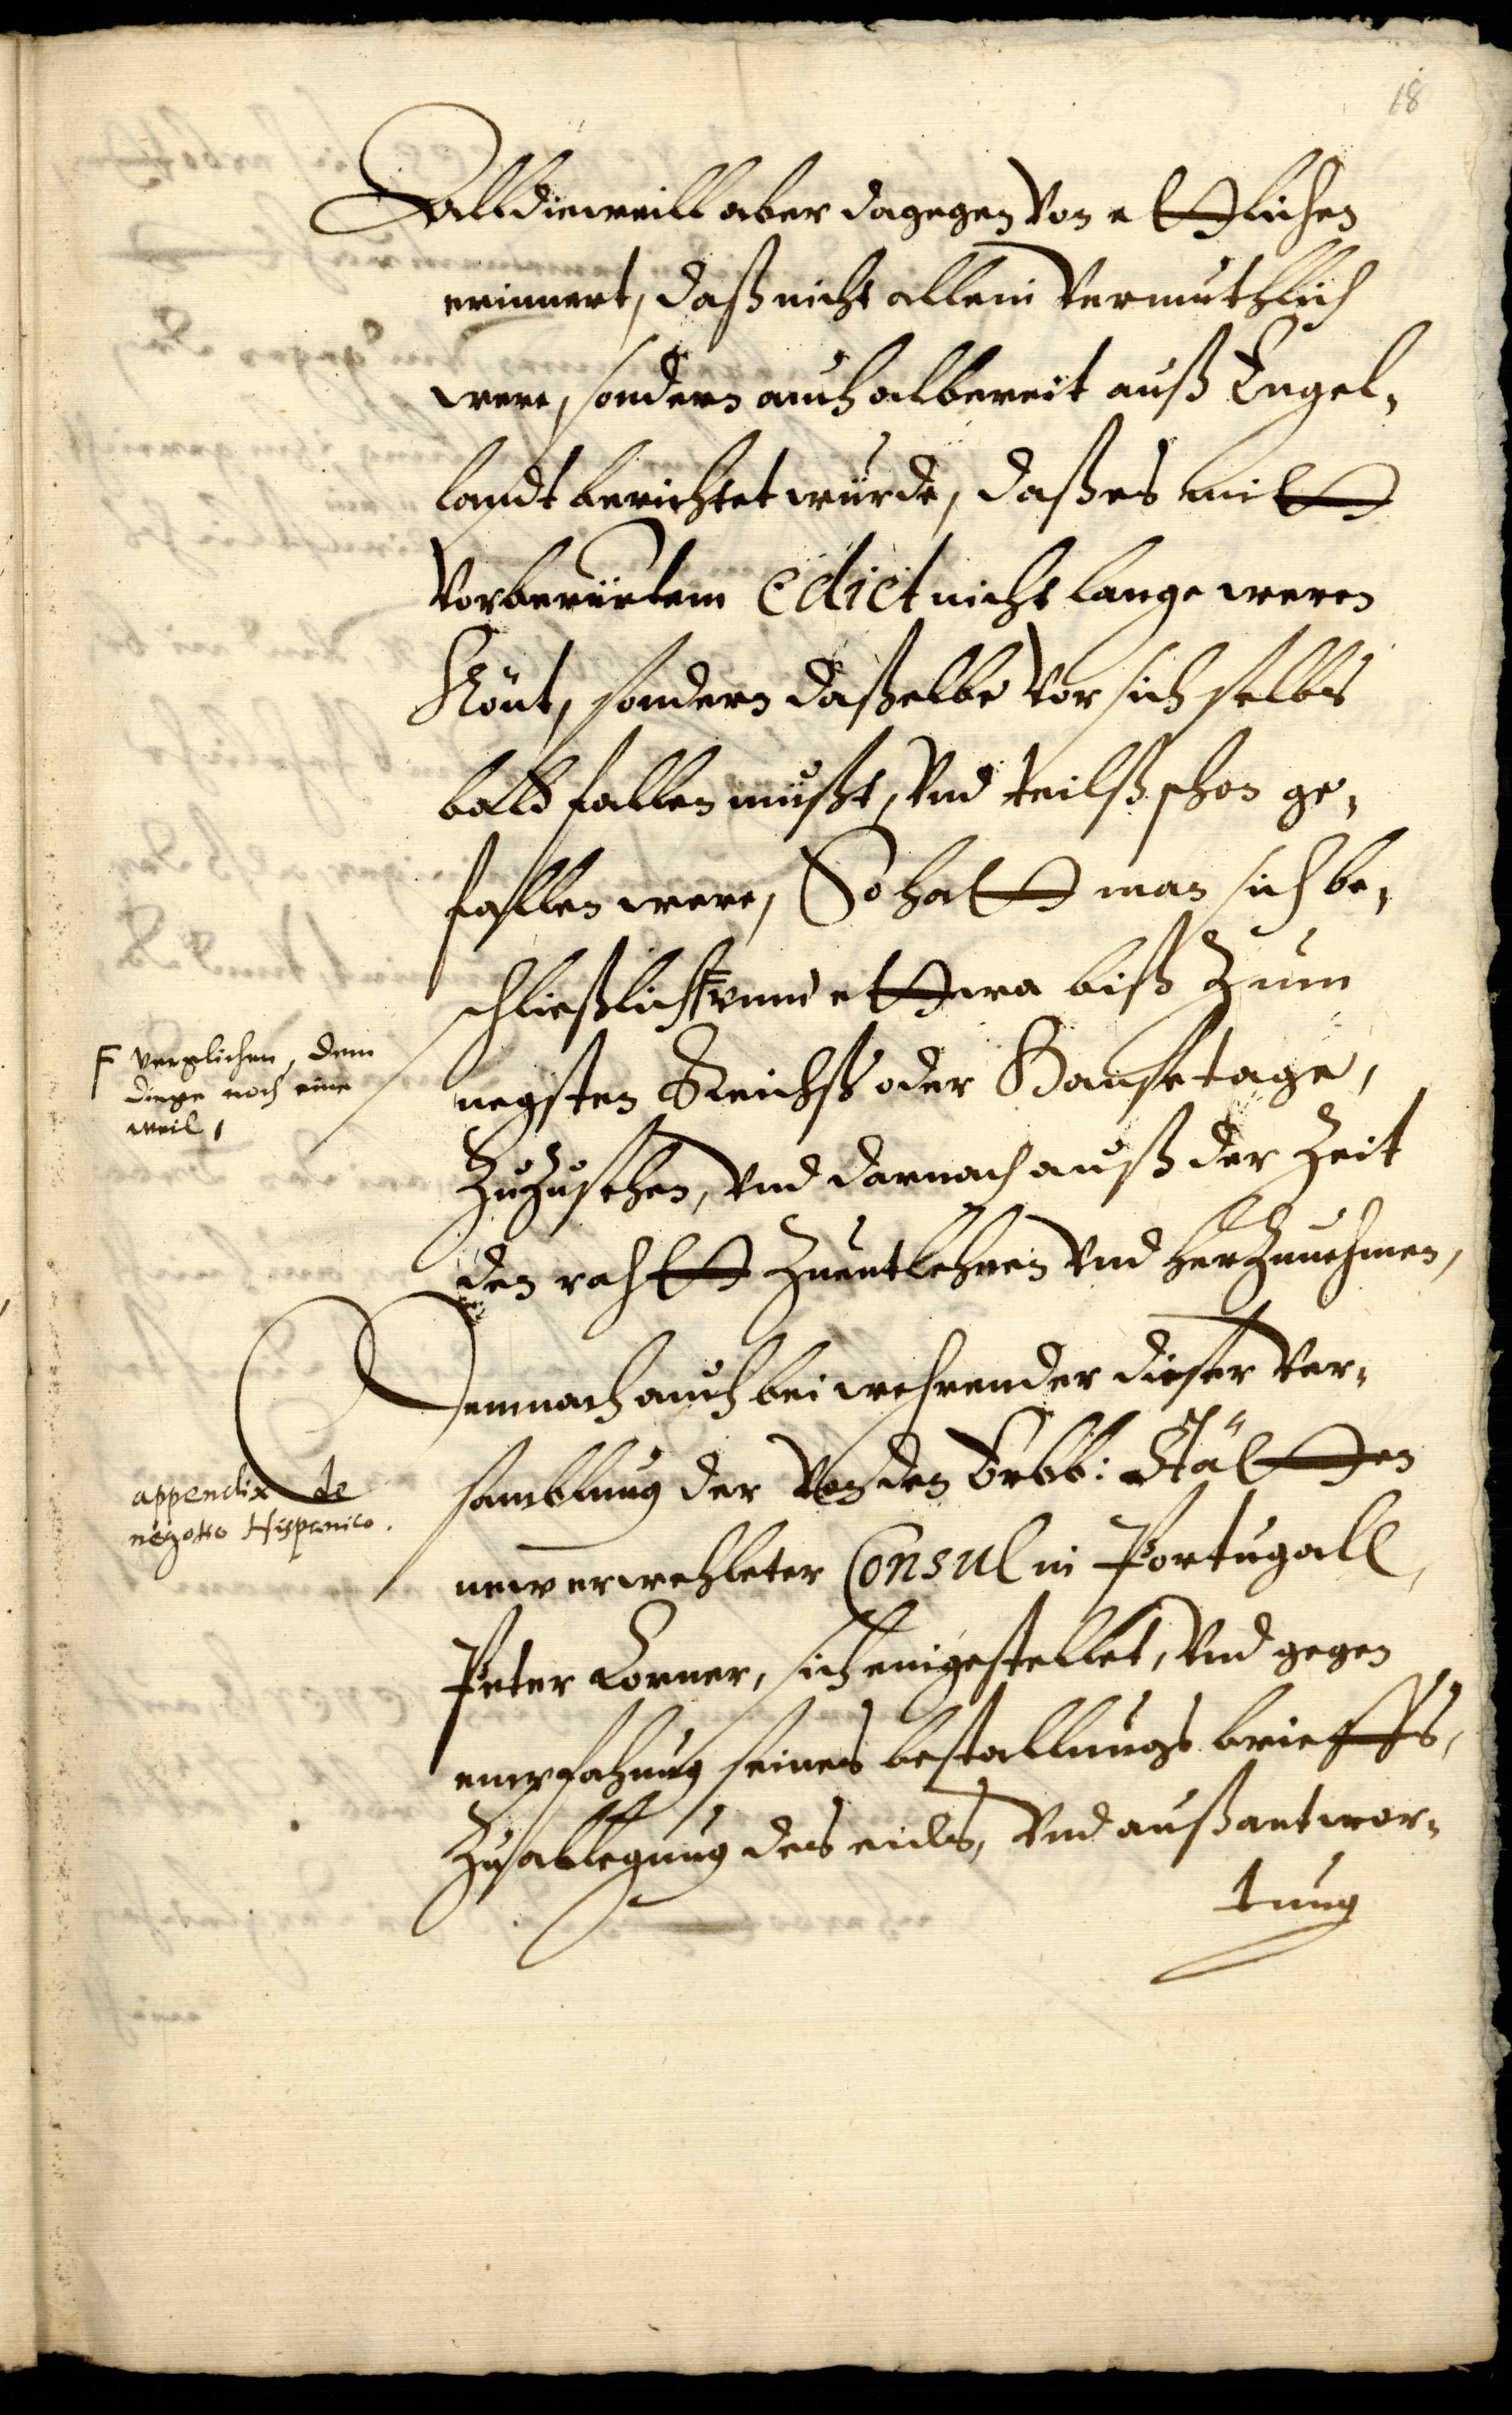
Alldieweill aber dagegen Von ettlichen
erinnert, daß nicht allein Vermuthlich
were, sondern auch albereit auß Engel¬
landt berichtet würde, daß es mitt
Vorberürtem edict nicht lange weren
Könt, sondern daßelbe Vor sich selbs
bald fallen müßt, Vnd teilß schon ge¬
fallen were, So hatt man sich be¬
schließlich * vnnd ettwa biß Zum
negsten Reichß oder Hansetage,
Zuzusehen, Vnd darnach auß der Zeit
den rahtt Zuentlehnen Vnd herzunehmen,
* verglichen, dem
dinge noch eine
weil,
Demnach auch bei wehrender dieser Ver¬
samblung der Von den Erbb: Stätten
new erwehleter Consul in Portugall,
Peter Corner, sich eingestellet, Vnd gegen
empfahung seines bestallungs brieffs,
Zu ablegung des eids, Vnd auß antwor¬
tung
appendix de
negotio Hispanico
